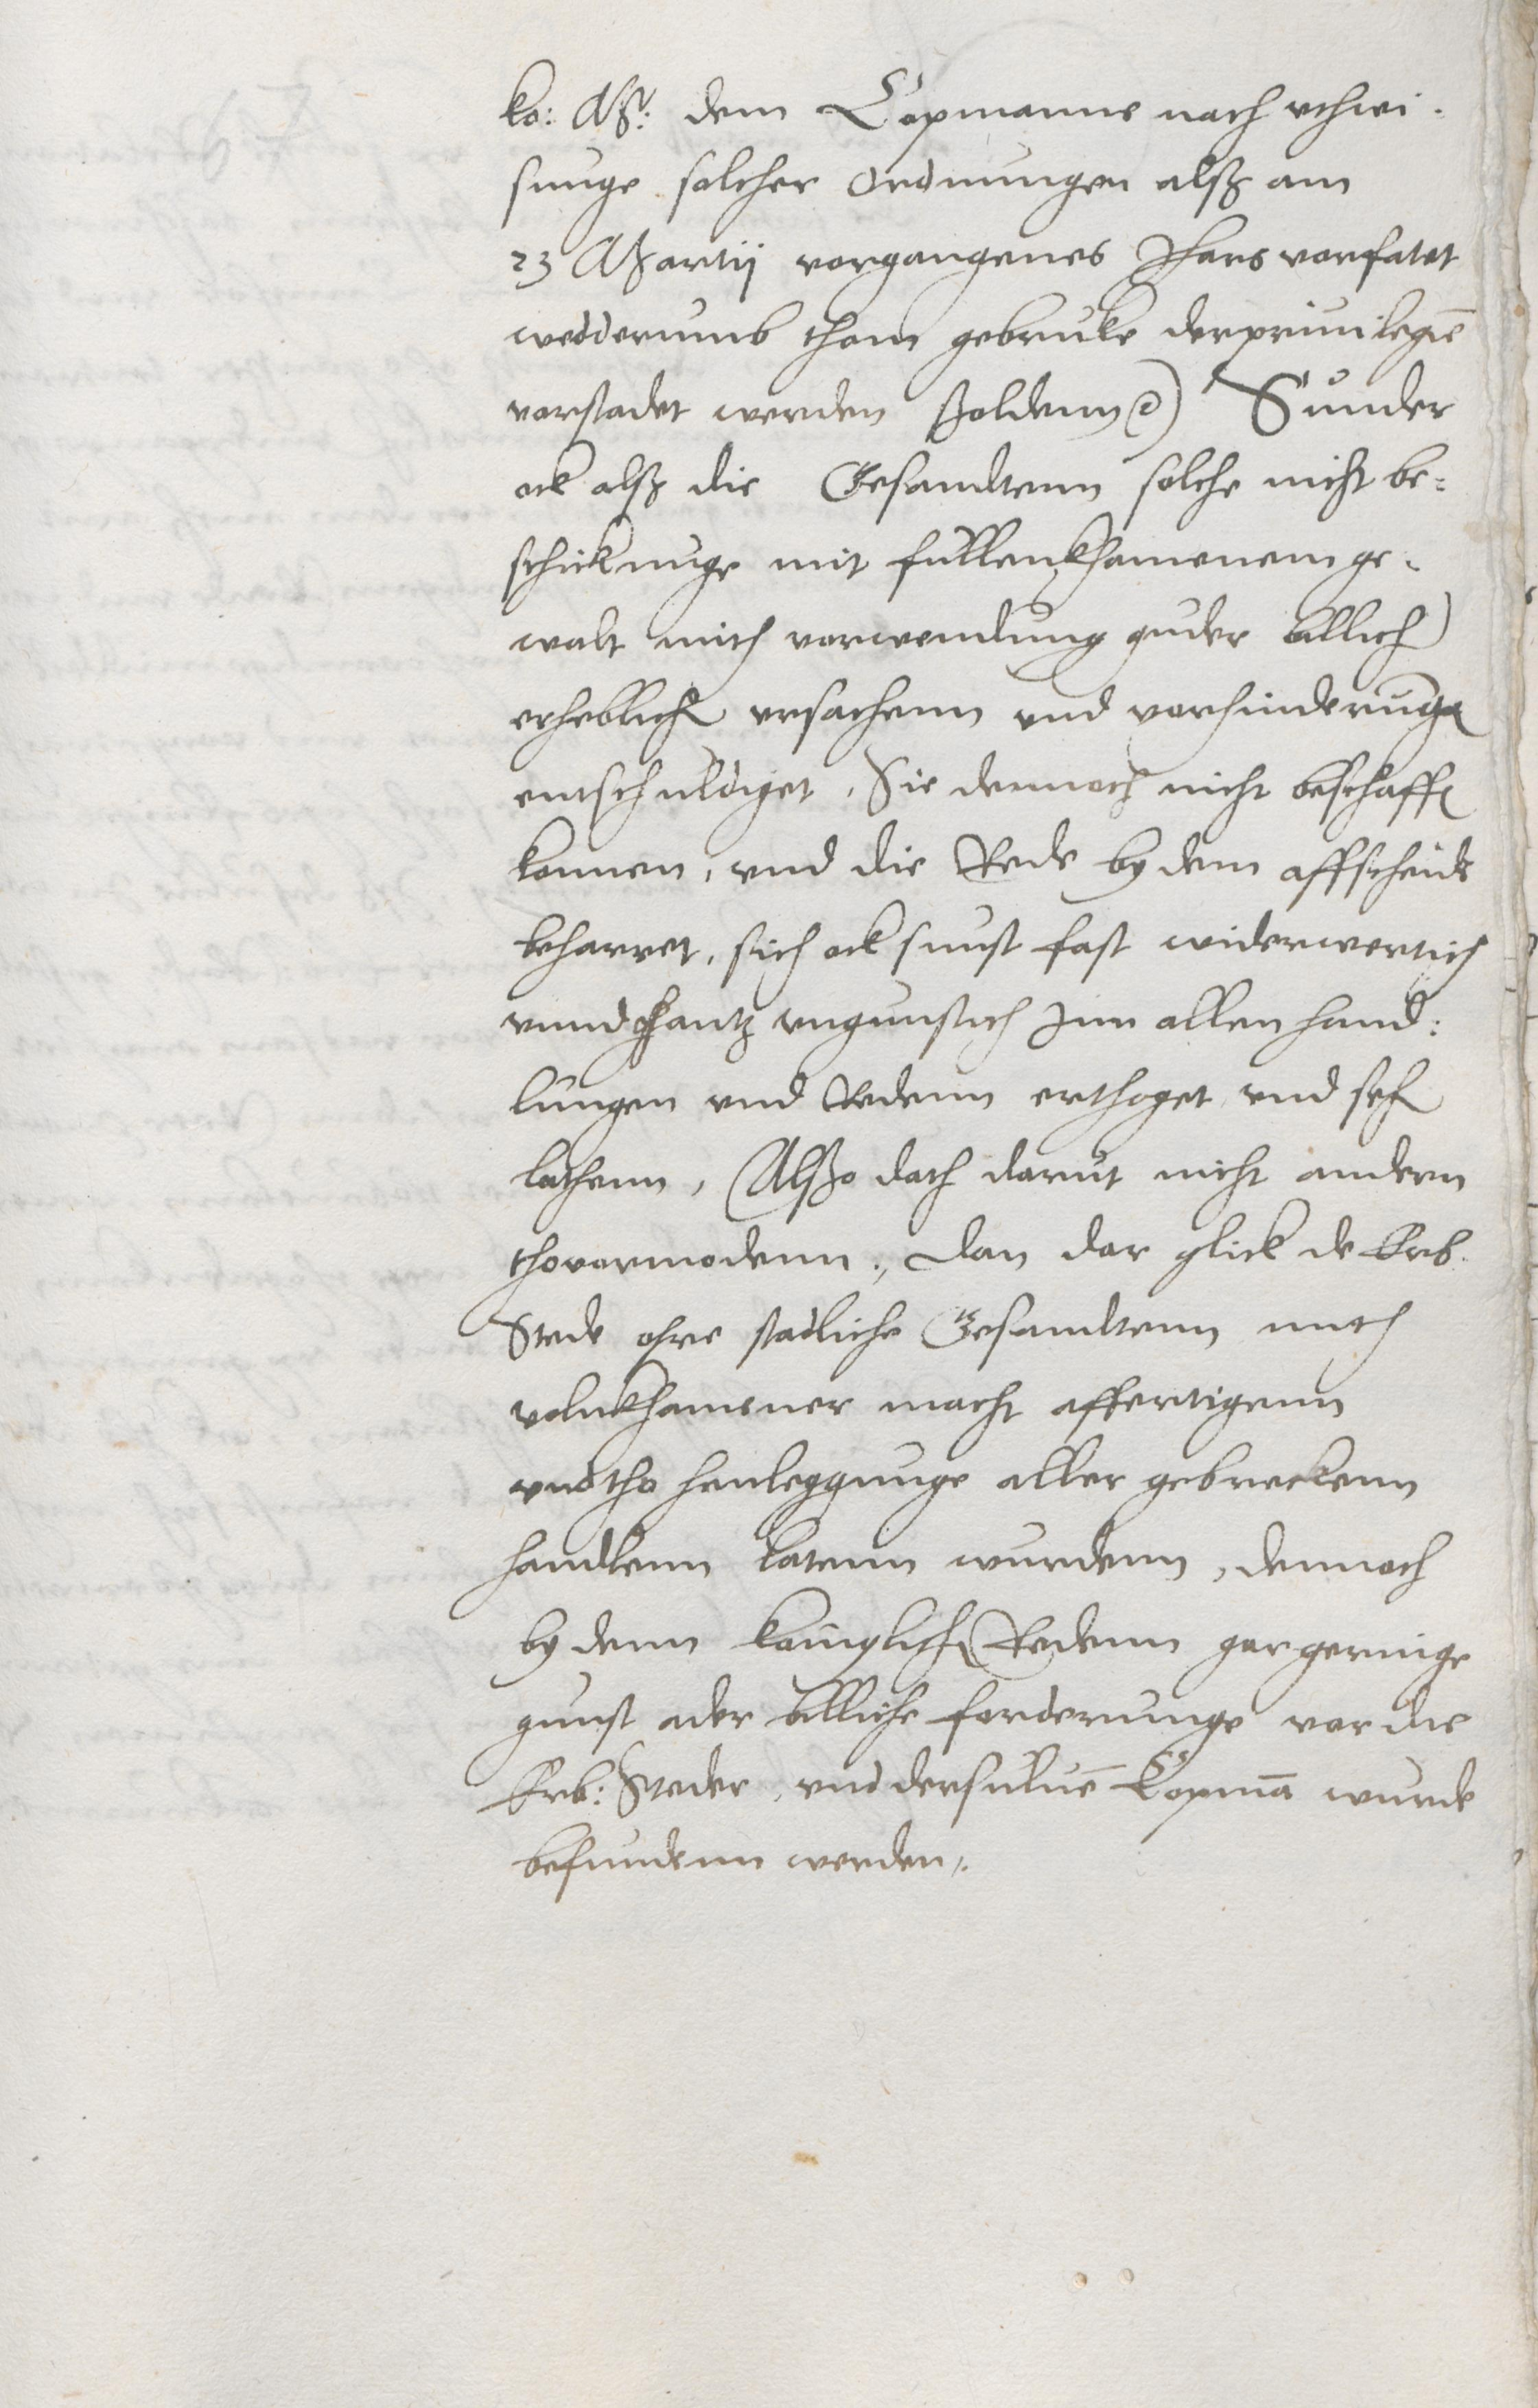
Ko: Mt: Copmanne nach vthwi¬
sunge solcher Ordnungen alß am
23 Martij vorgangenes jhars vorfatet
wedderumb thom gebruke der priuilegien
vorstadet werden ßoldenn etc.) Sunder
ock alß die Gesandtenn solche nicht be¬
schickunge mit fullenkhamenem ge¬
walt mith vorwendung guder billichen
erheblichen vrsachenn vnd vorhinderungen
entschuldiget, Sie dennoch nicht beschaffen
konnen, vnd die Rede by dem affscheide
beharret, sich ock sunst fast widerwertich
vnnd ghantz vngunstich jnn allen hand¬
lungen vnd Redenn erthoget vnd sehen
lathenn, Alßo dath darut nicht andern
thovormodenn, Dan dar glick de Erb:
Stede ohre stadliche Gesandtenn mith
volnkhamener macht affertigenn
vnd tho henleggunge aller gebreckenn
handlenn latenn wurdenn, dennoch
by denn Koniglichen Redenn gar geringe
gunst ader billiche forderunge vor die
Erb: Steder, vnd dersuluen Copman wurde
befundenn werden.
